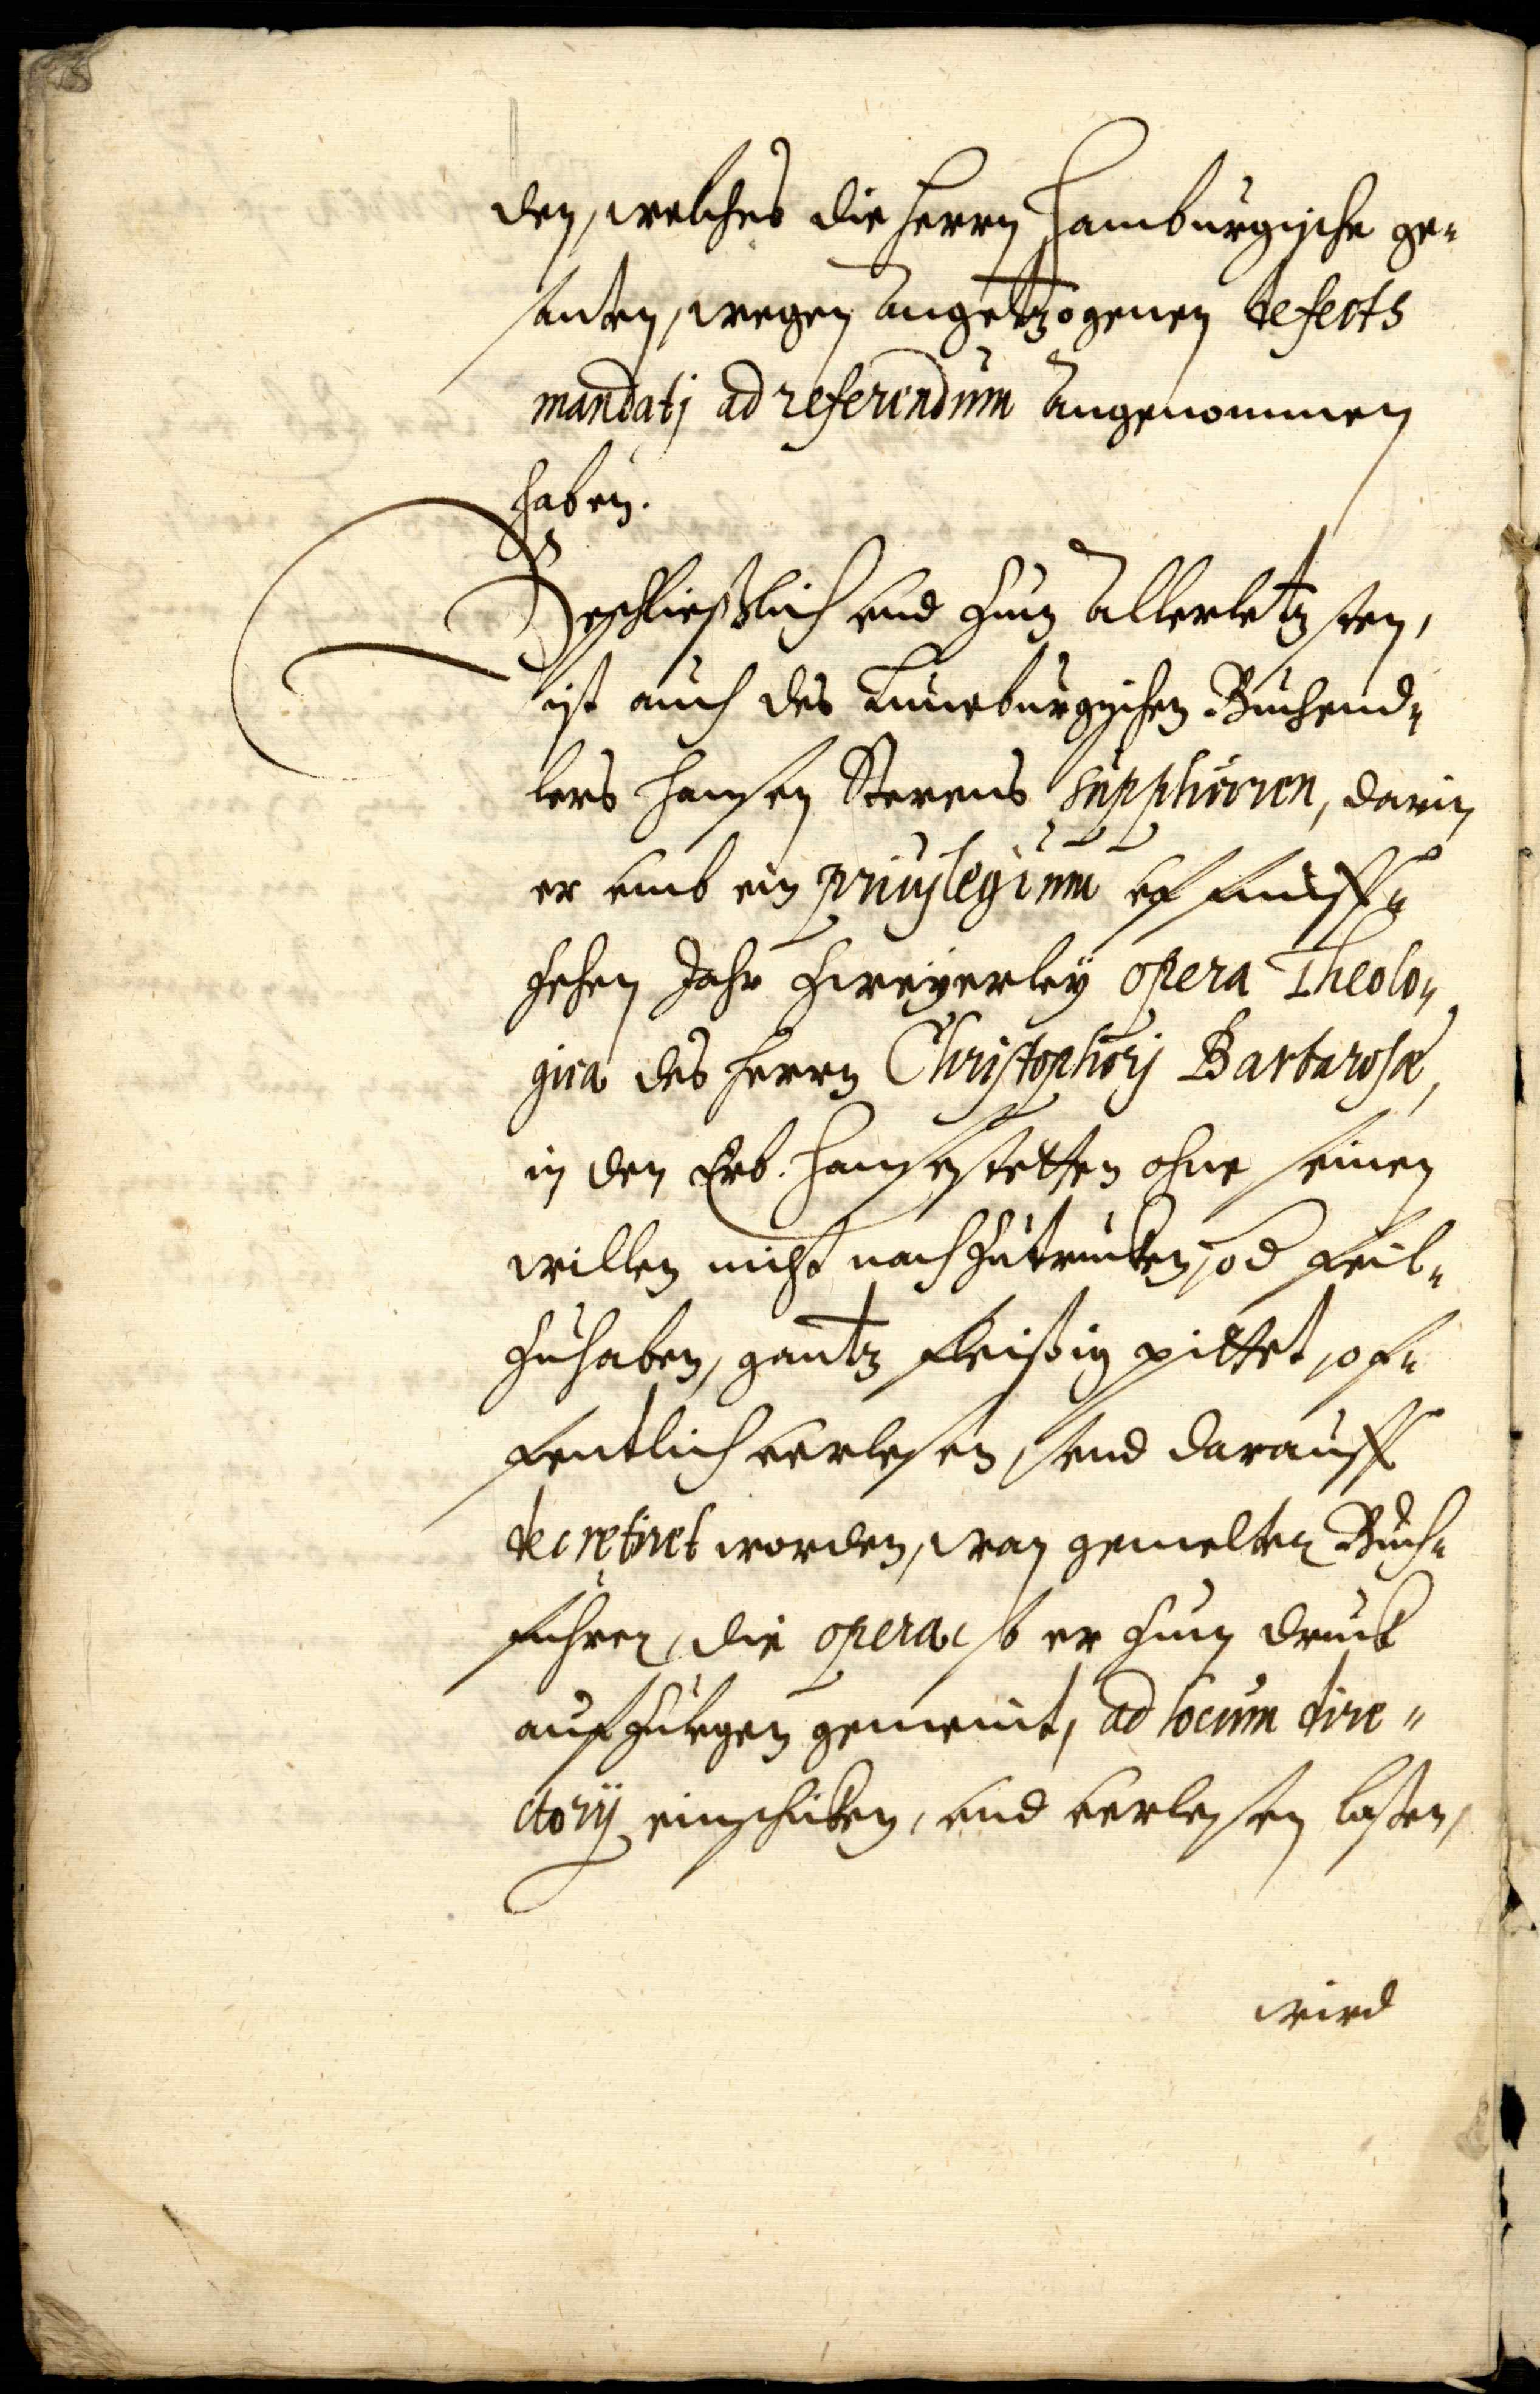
den, welches die herrn Hamburgische ge¬
santen, wegen Angetzogenen defects
mandatj ad referendum Angenommen
haben.
Beschließlich vnd zum Allerletzsten,
ist auch des Luneburgischen Buchend¬
lers Hansen Sterens suppliciren, darin
er vmb ein priujlegium vf funff¬
zehen Jahr zweijerleij opera Theolo¬
gica des herrn Christophorj Barbarosae,
in den Erb. Hansestetten ohne seinen
willen nicht nach zudrucken, oder feil¬
zuhaben, gantz fleißig pittet, of¬
fentlich verlesen, vnd darauff
decretiret worden, wan gemelten Buch¬
fuhrer, die opera, so er zum druck
aufzulegen gemeint, ad locum dire¬
ctorij einschicken, vnd verlesen laßen,
wird
